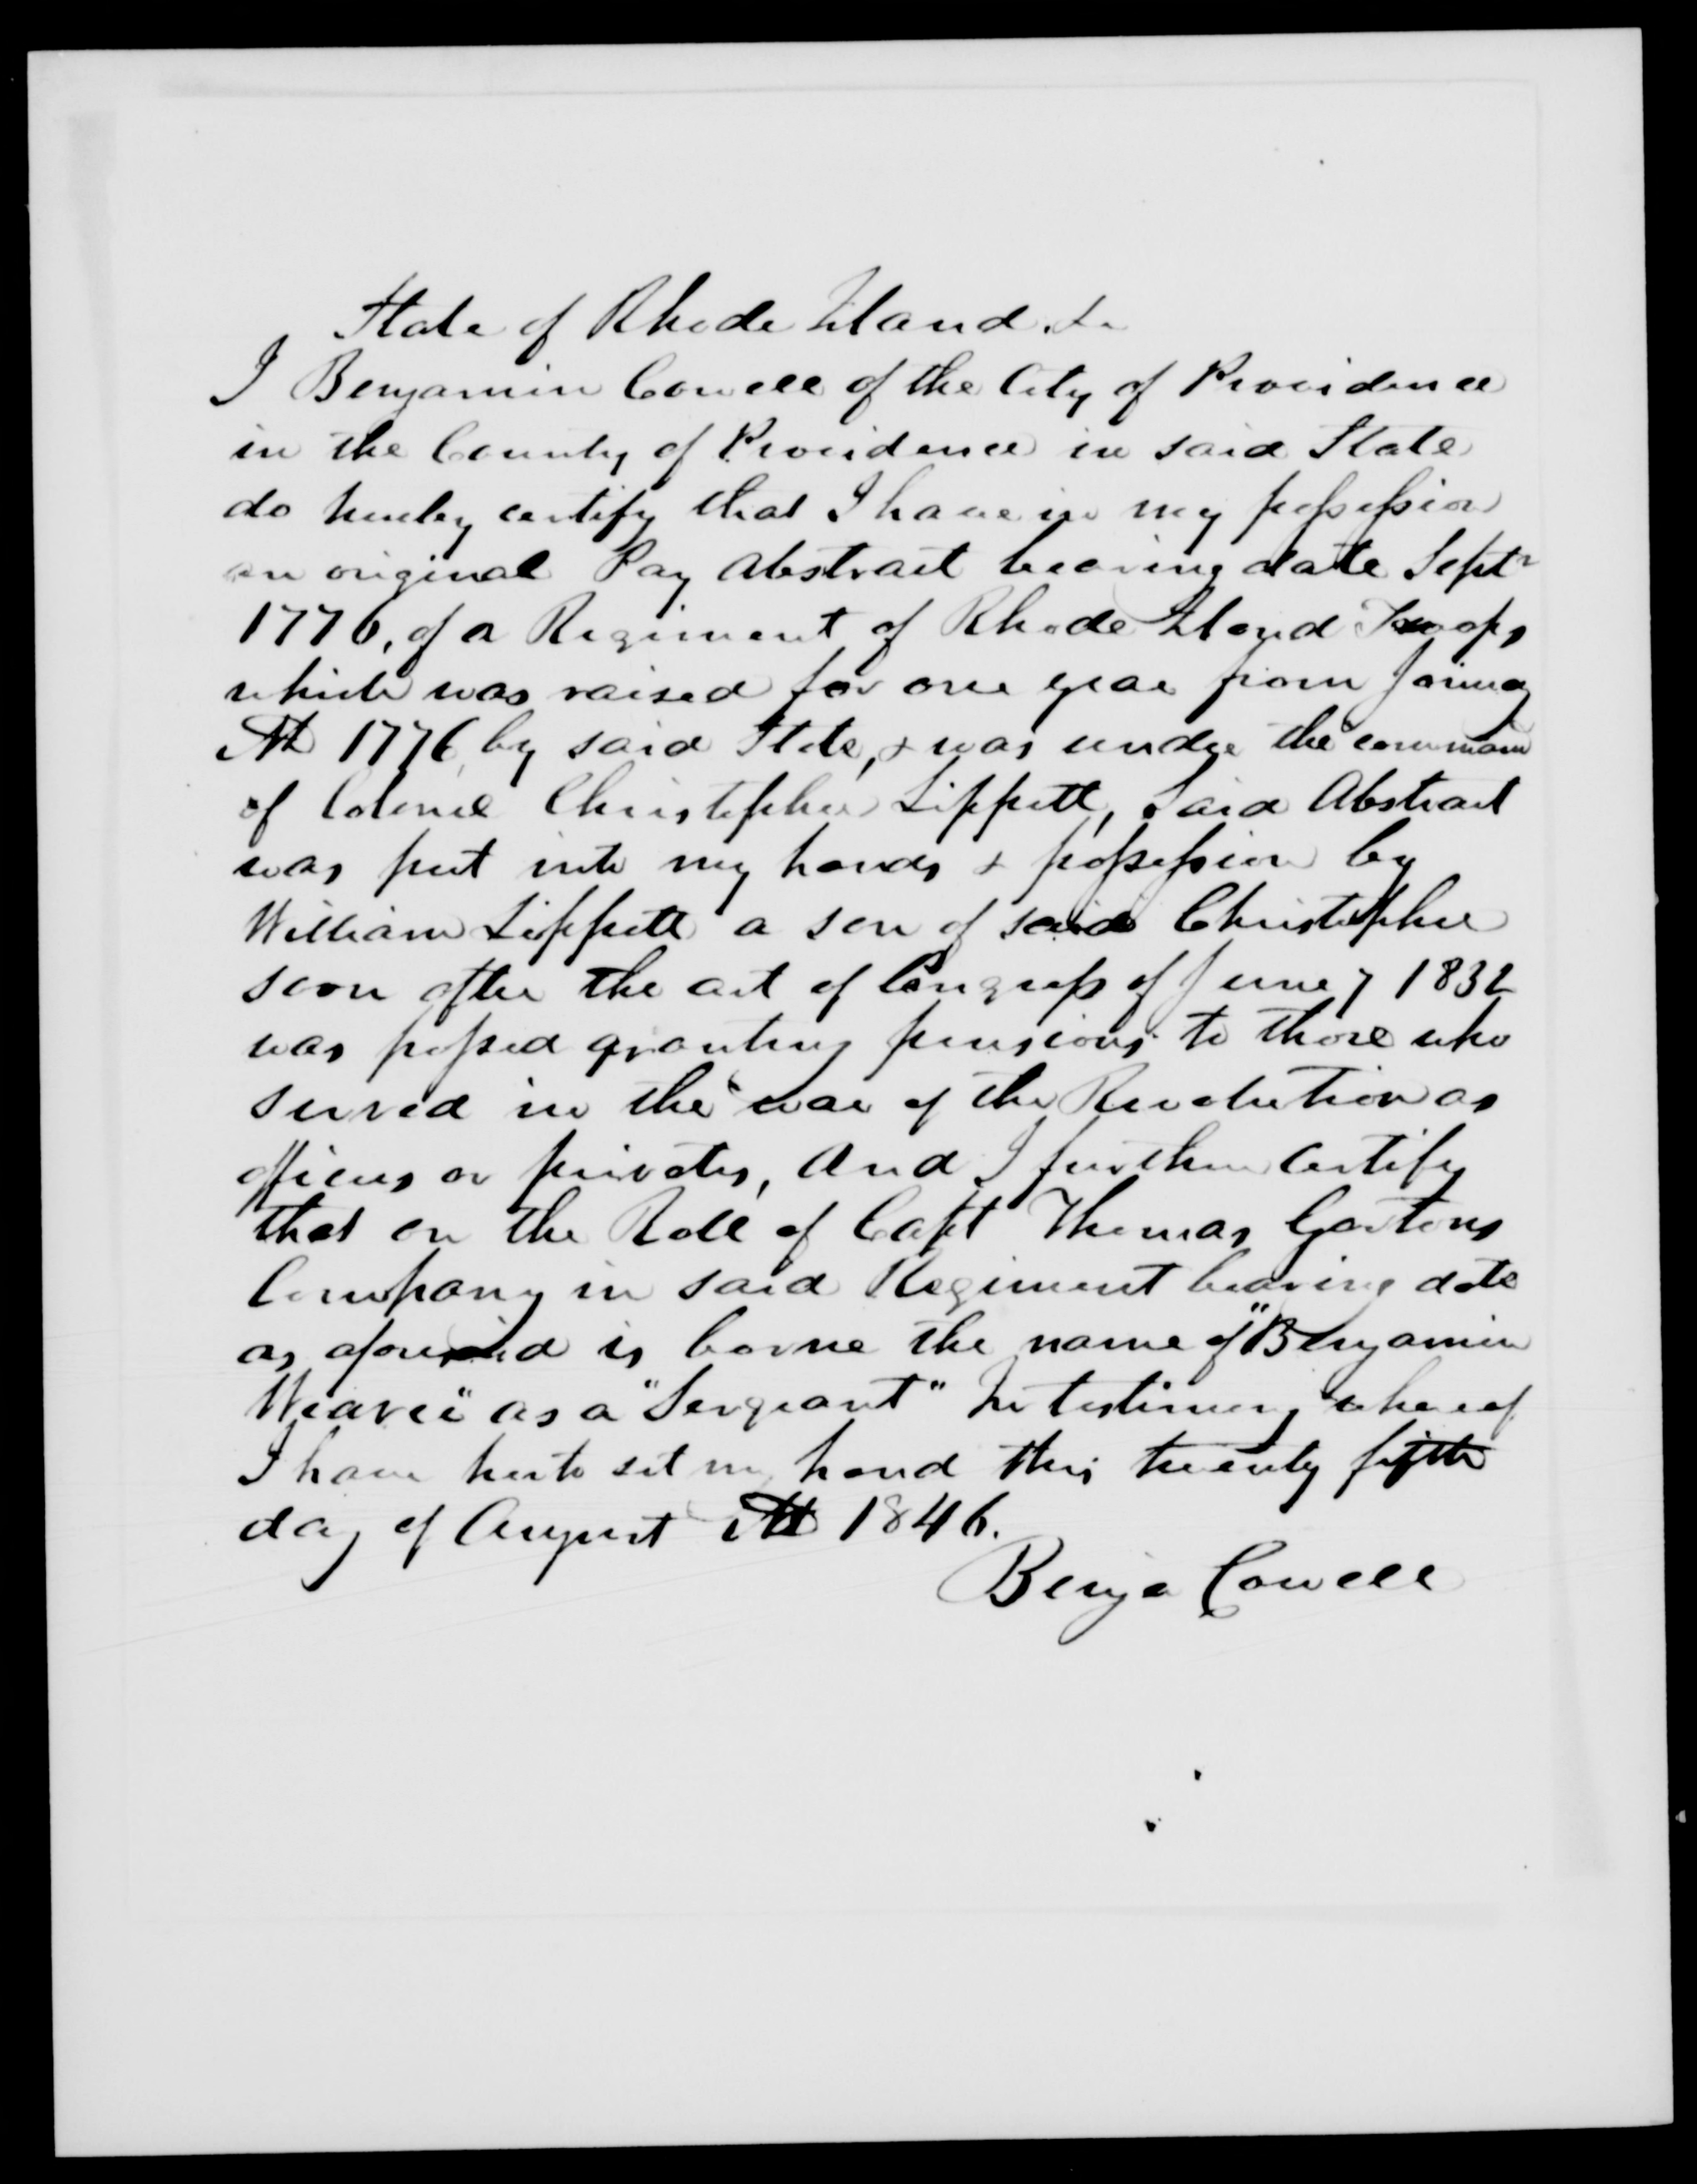State of Rhode Island.  __

I Benjamin Crowell of the City of Providence in the County of Providence in said State do hereby certify that I have in my possession an original Pay Abstract having date Sept 1776, of a Regiment of Rhode Island Troops which was raised for one year from January A.D. 1776 by said State, & was under the command of Colonel Christopher Lippitt, Said abstract was put into my hands & possession by William Lippitt a son of said Christopher soon after the act of Congress of June 7 1832 was proposed  granting pensions to those who served in the war of the Revolution as officers or privates, and I further certify that  on the Roll of Capt Thomas Gortons Company in said Regiment having date as aforesaid is borne the name of “Benjamin Weaver” as a “Sergeant” In testimony thereof I have hereto set my hand this twenty fifth day of August A.D. 1846.
Benj Cowell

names: Benjamin Weaver, Benjamin Cowell, William Lippett, Christopher Lippett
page: 24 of 53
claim: widow's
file: W 17707, Benjamin Weaver, R.I.